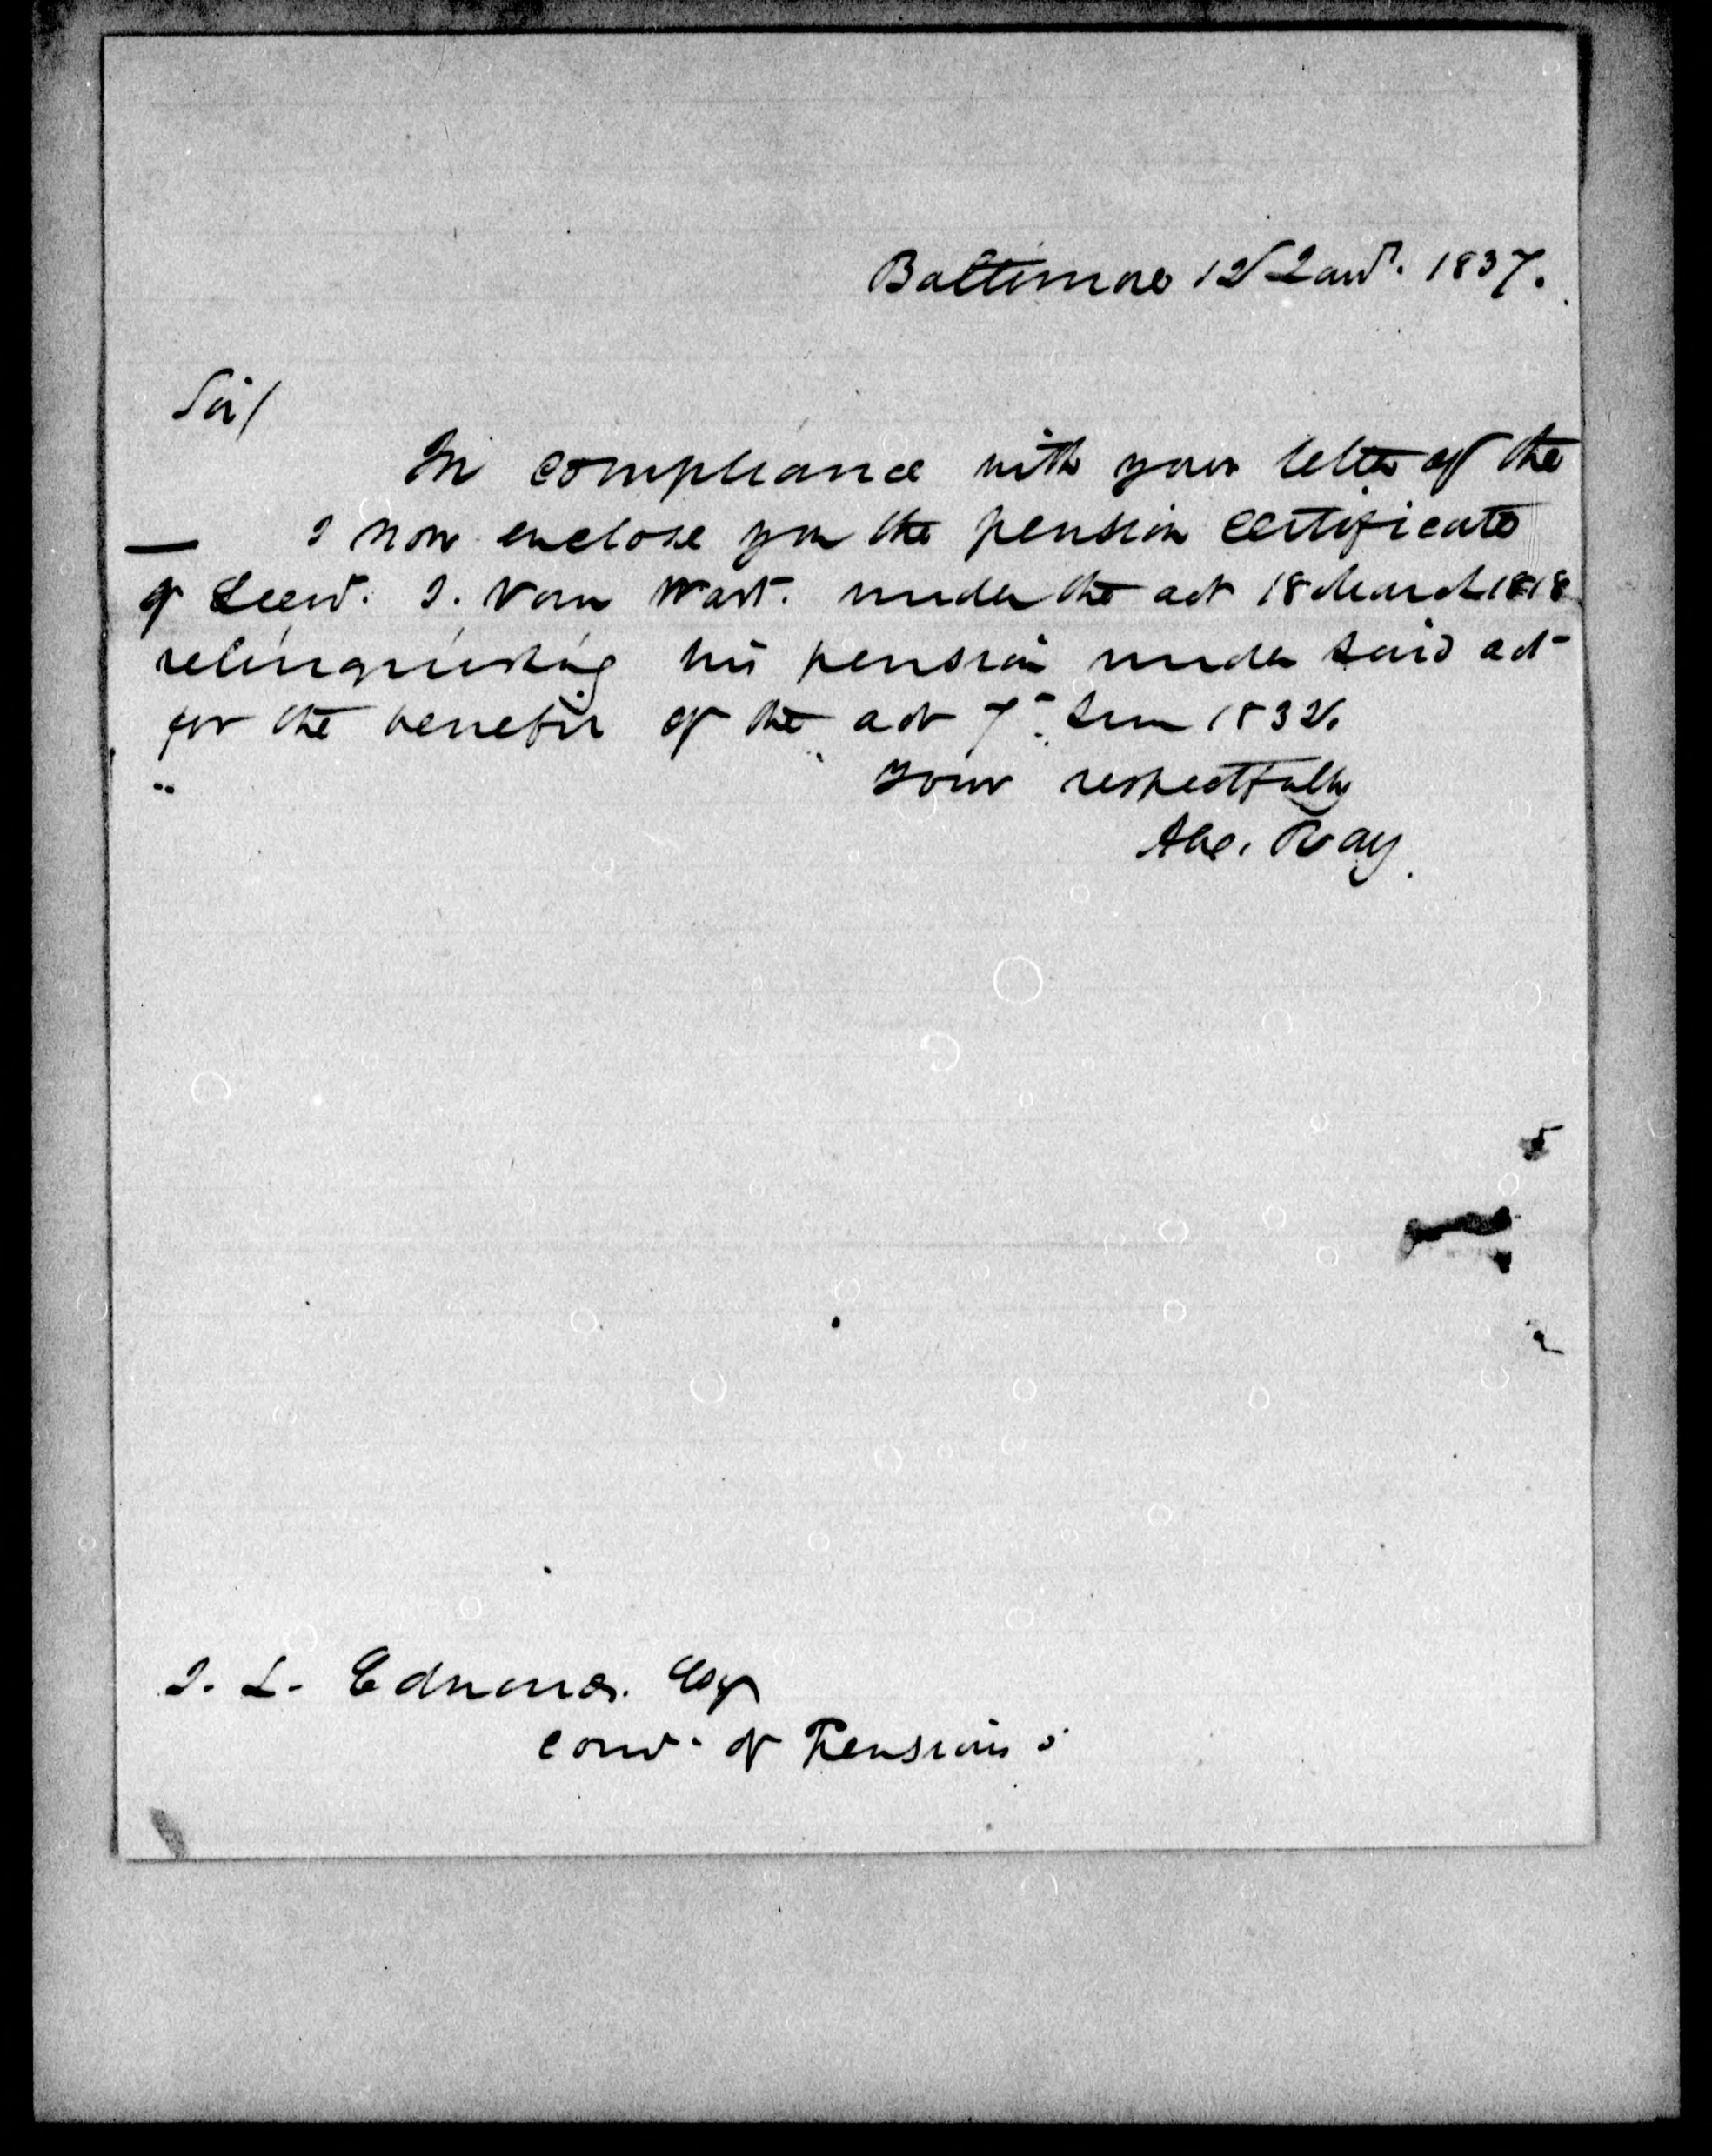Baltimore 12 Jan 1837 
Sir
In compliance with your letter of the ___ I now enclose you the pension certificate of Lieut. I. Van Wart under the act 18 March 1818 relinquishing his pension under said act for the benefit of the act 7 Jun 1832. 
Yours respectfully 
[signed] Alex. Ray 

J. L. Edwards Esq
Comr of Pensions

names: Abe Ray, I Van Wart, J L Edwards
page: 49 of 102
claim: widow's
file: W. 18239, Isaac Van Wart, New York